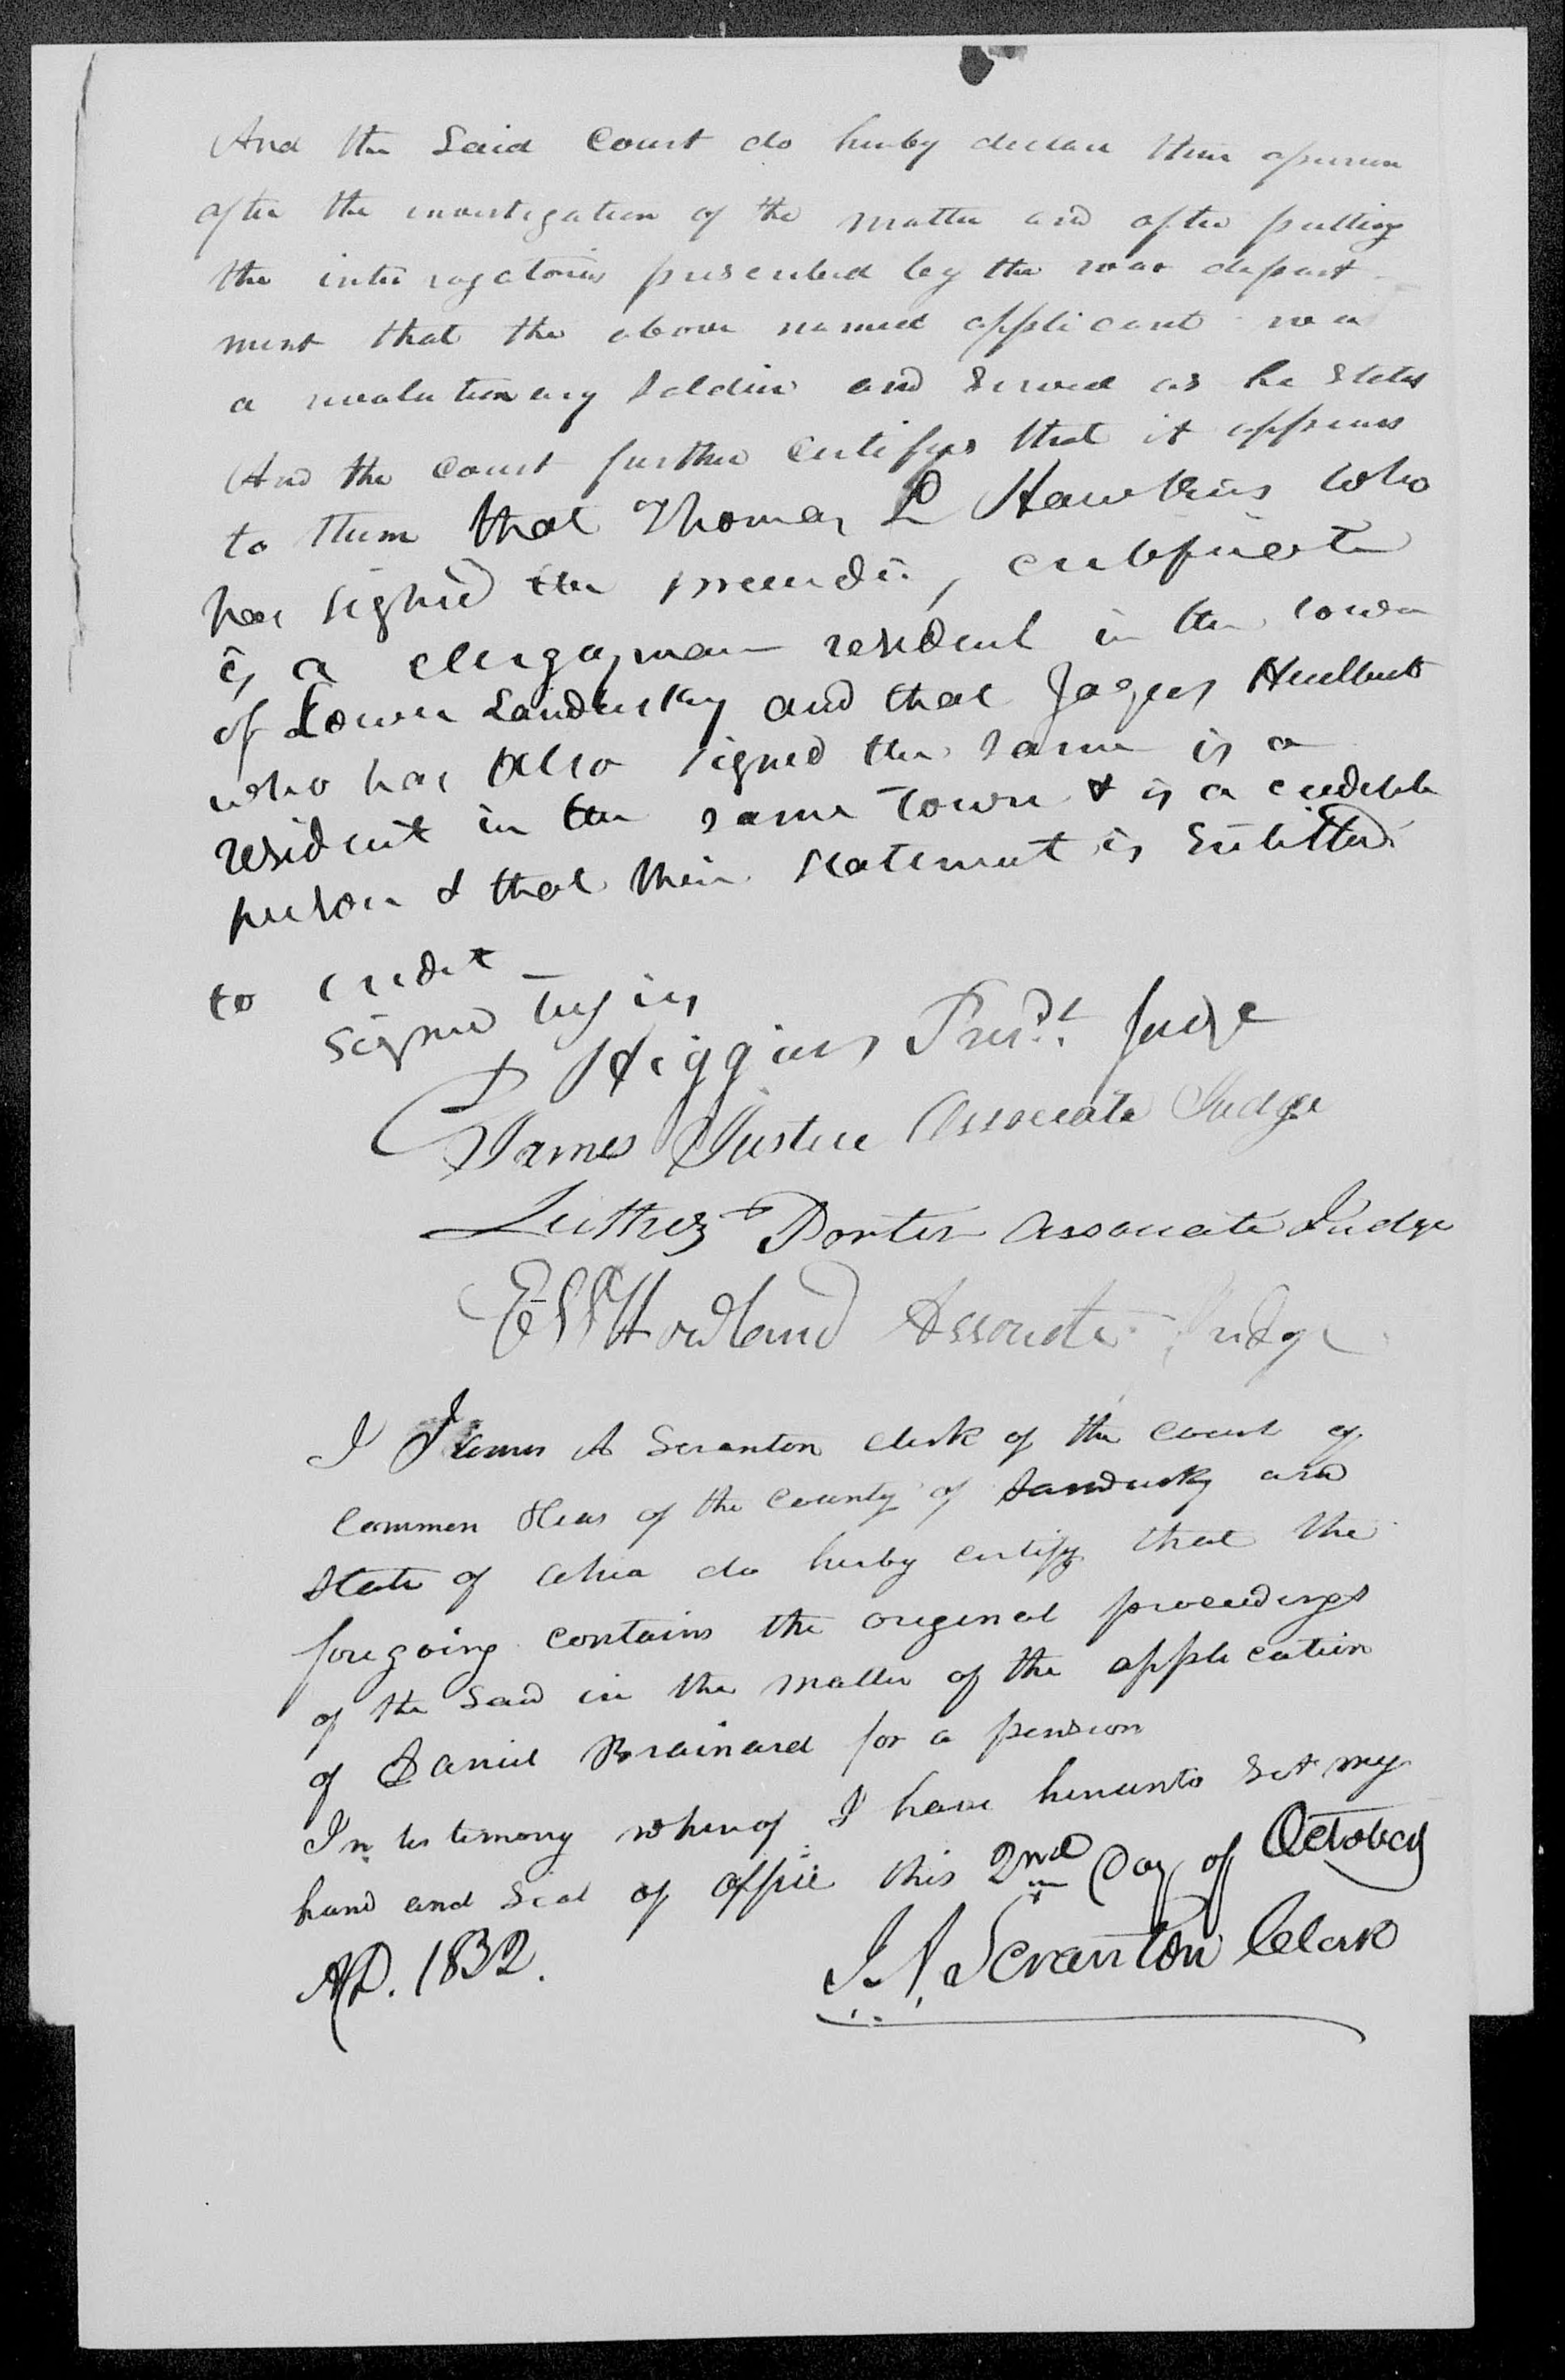And the said court do hereby declare this a person of the investigation of the matter and after putting the interrogatories presented by the department that the above named applicant was a revolutionary soldier and served as he states. And the court further certifies that it appears to them that Thomas L Hawkins who has signed the preceeding certificate is a clergyman resident in the town of Lower Sandusky and that Jaques Huelburt who has been signed the name is a resident in the same town and is a credible person and that their statement is entitled to credit.

Signed
D Higgings Presiding judge
James Justice Associate Judge
Luther Porter Associated Judge
E H Howland Associate Judge

I James A Scranton clerk of the court of Common Pleas of the county of Sandusky in the state of Ohio do hereby certify that the foregoing contains the original proceedings of the said in the matter of the application of Daniel Brainard for a pension. In testimonty where of I have set my hand and seal of office this 2nd Day of October AD 1832.

J. A. Scranton, Clerk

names: J A Scranton, Luther Porter, Thomas L Hawkins, James, Jaqus Huelbut, D Higgins, James A Scranton, E H Howland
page: 9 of 30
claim: survivor's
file: S. 3099, Daniel Brainard, Conn. Privateer